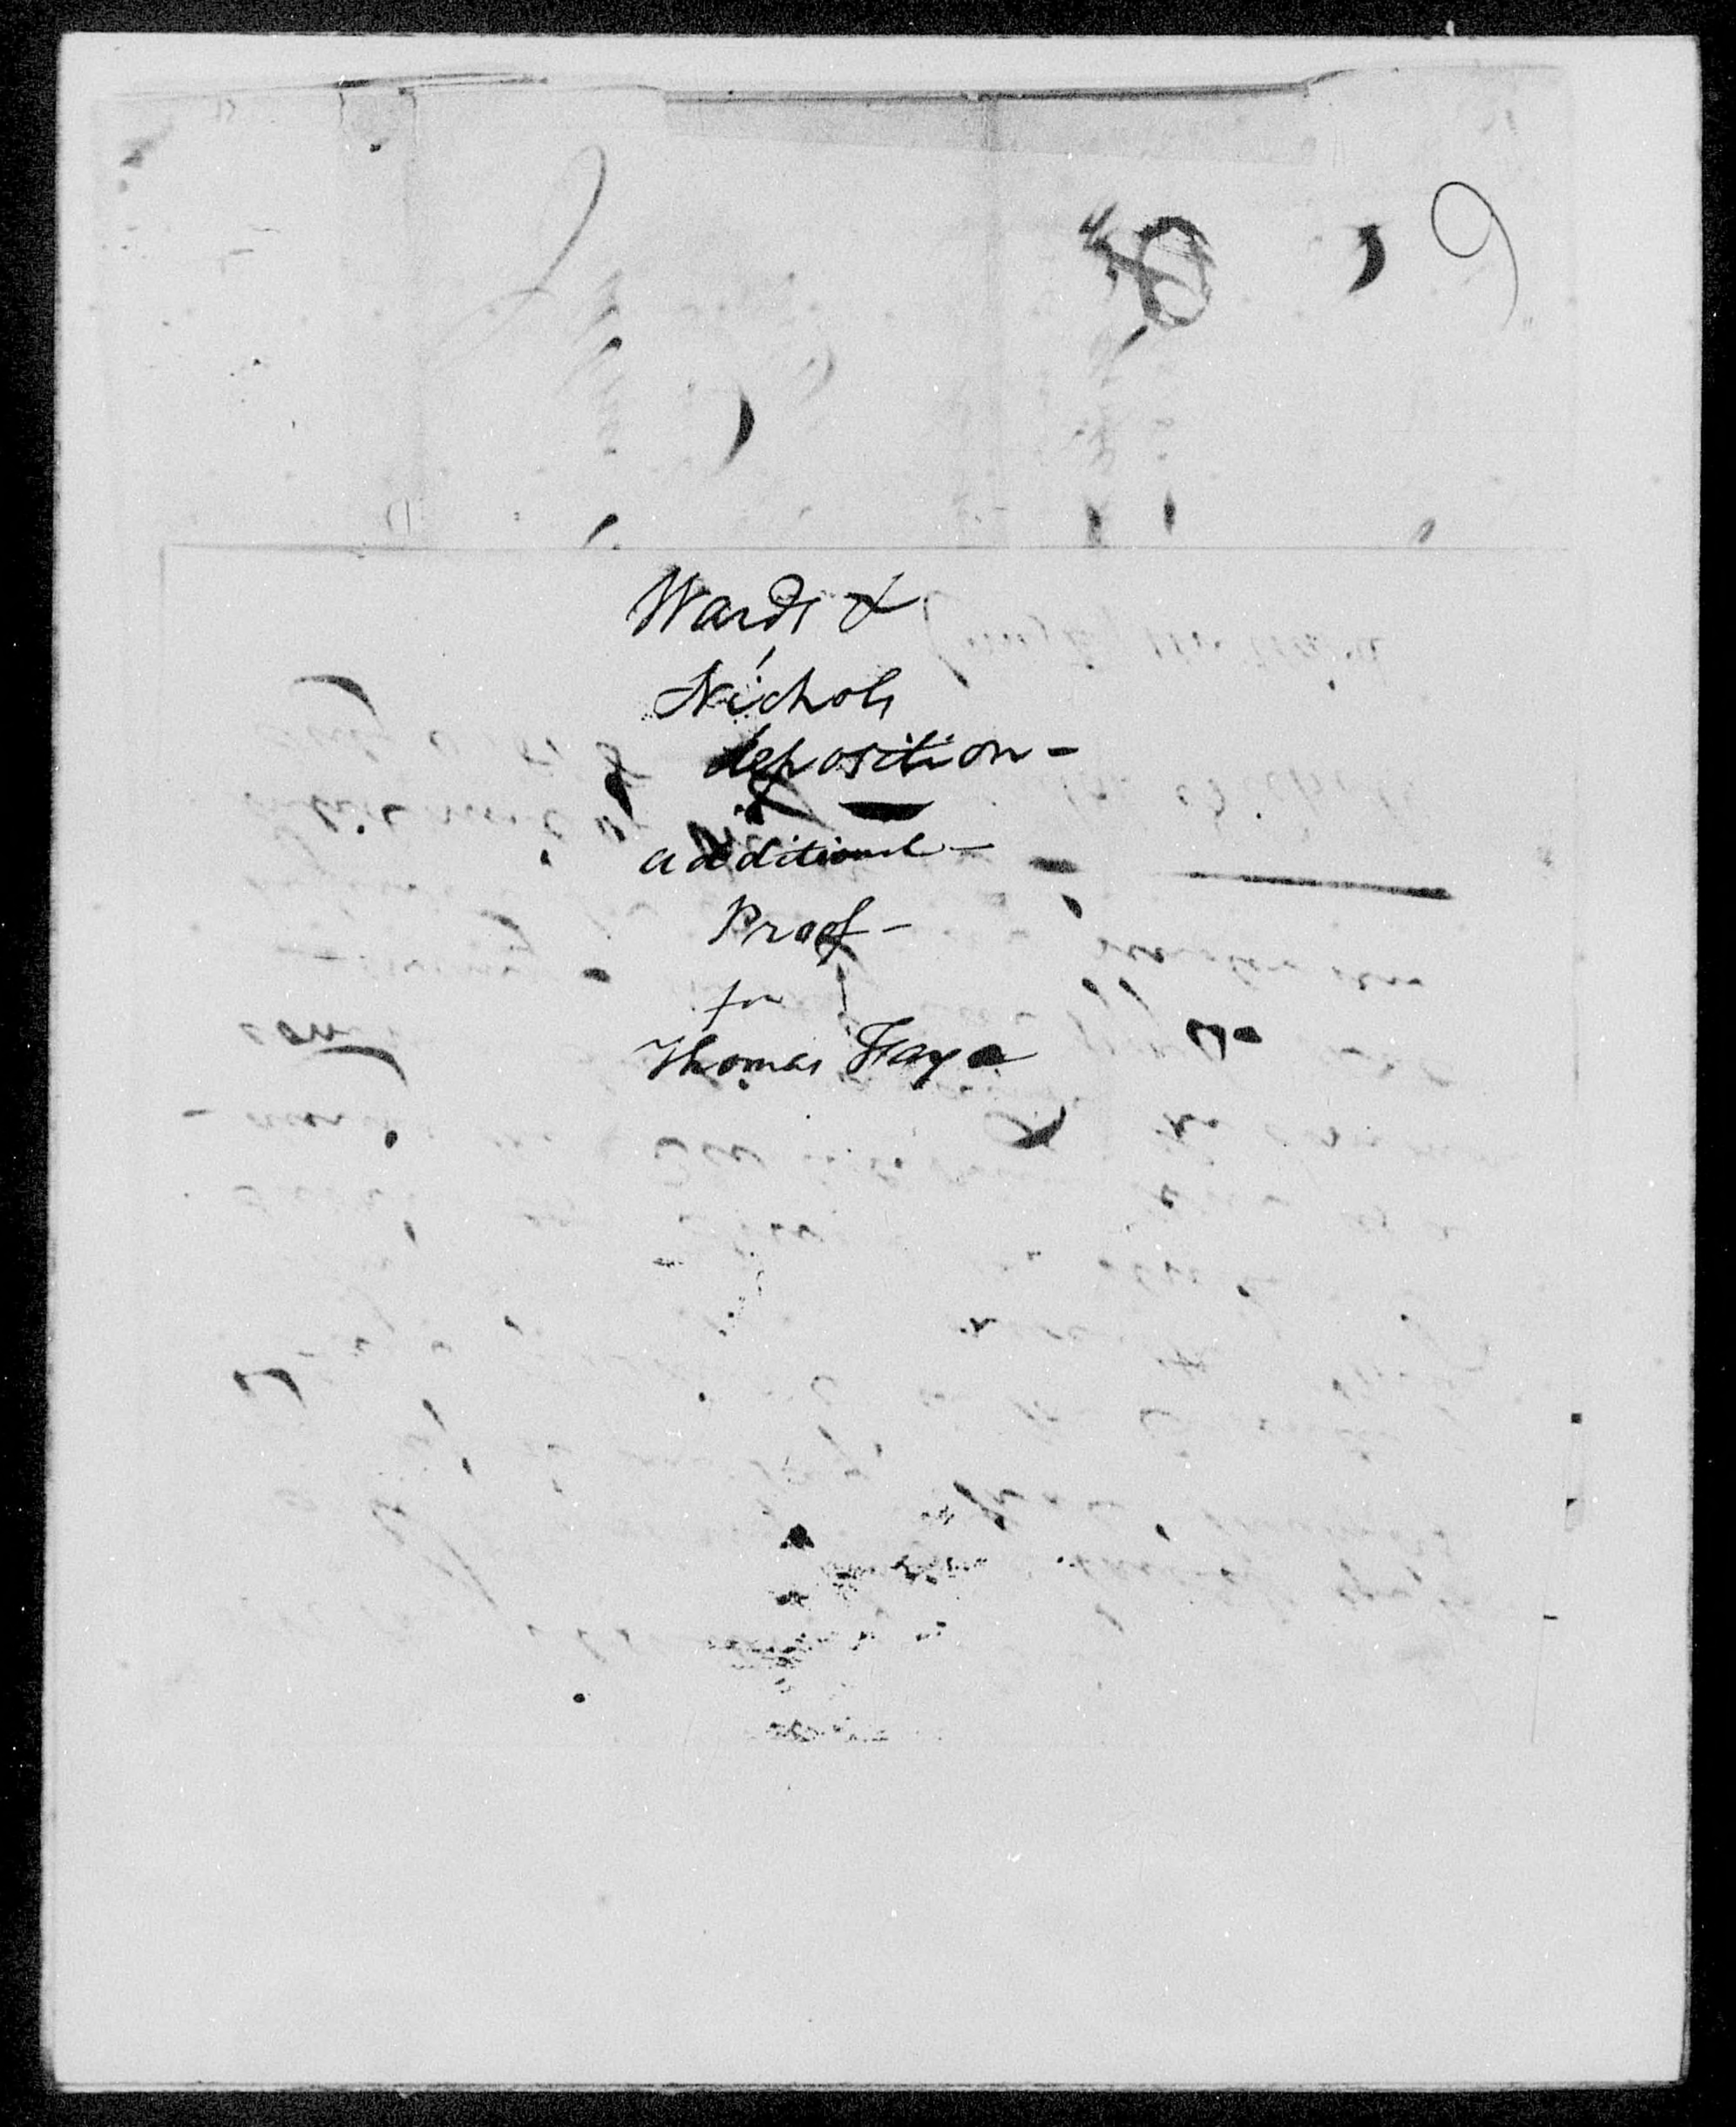Ward &
Nichols
deposition
additional
Proof
for
Thomas Fay
-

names: Nichols, Wards, Thomas Fay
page: 9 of 31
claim: survivor's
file: S. 34,839, Thomas Fay, Mass.